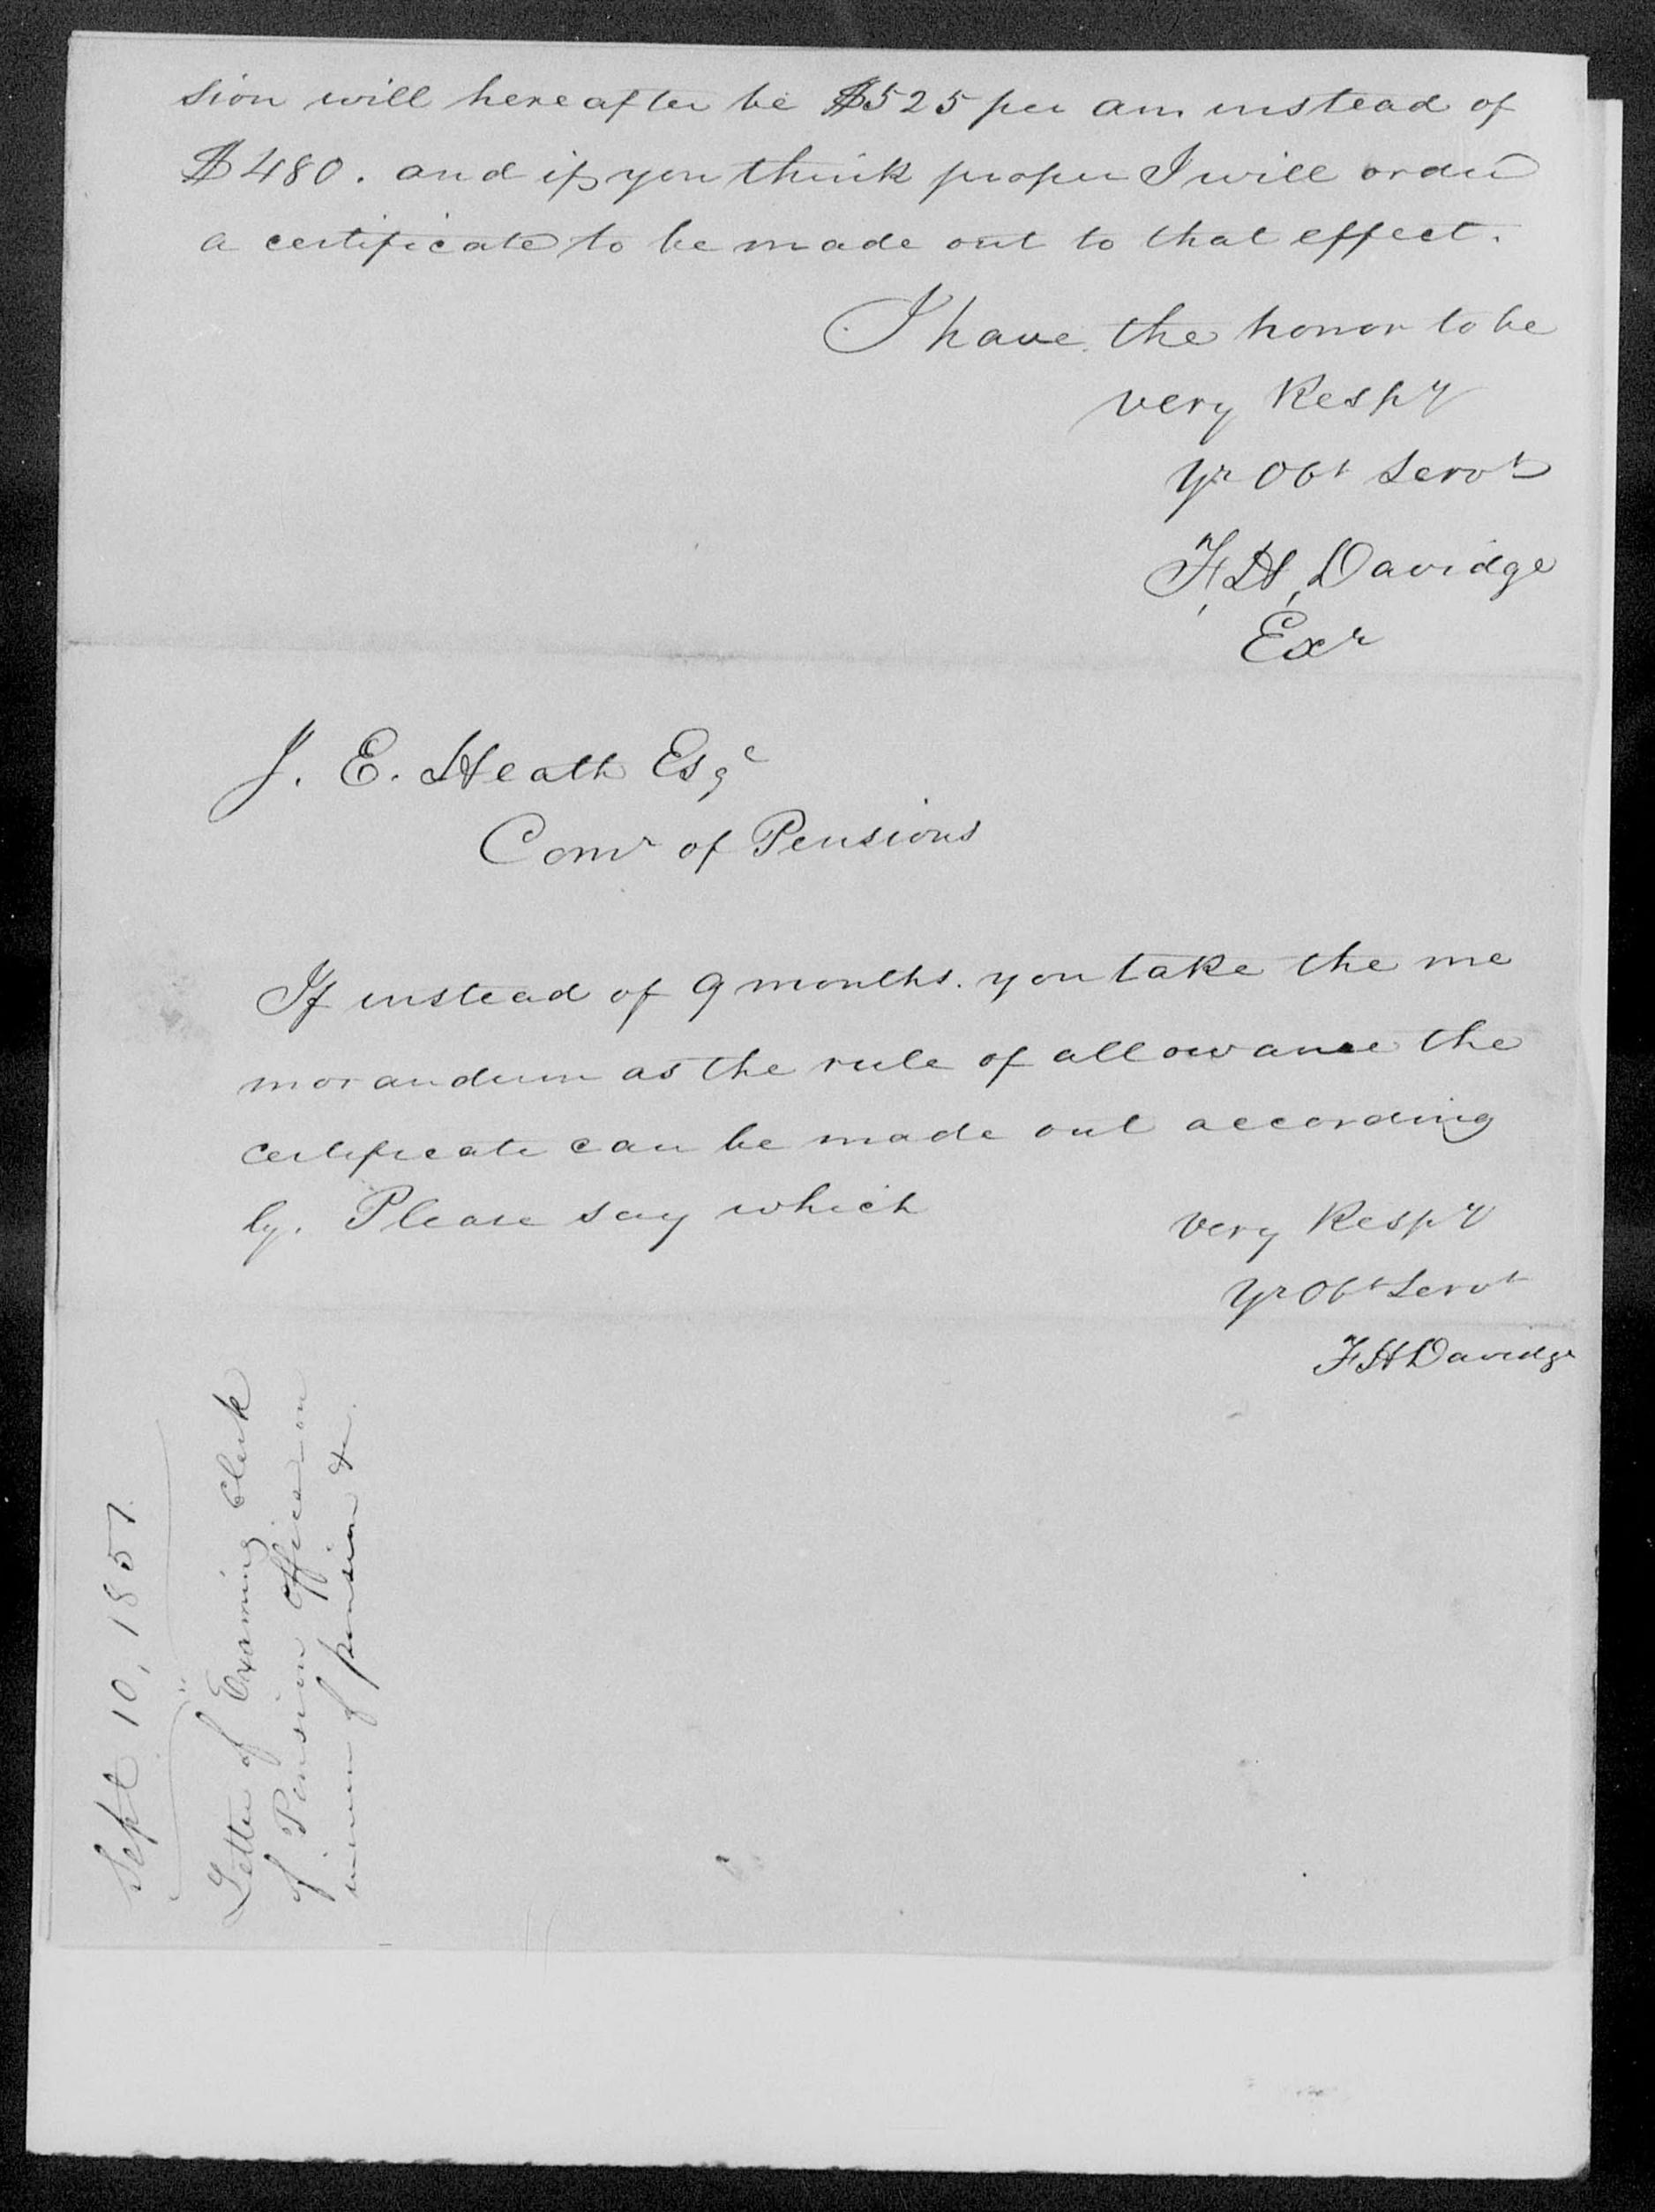sion will hereafter be $525 per ann instead of $480. and if you think proper I will order a certificate to be made out to that effect.
I have the honor to be
Very Respy
Yr Obt Servt
F. H. Davidge
Exr

J. E. Heath Esq
Comr of Pensions

If instead of 9 months, you take the memorandum as the rule of allowance the certificate can be made out accordingly. Please say which
Very Respy
Yr Obt Servt
F H Davidge

Sept 10, 1857
Letter of Examining Clerk
of Pension Office - on
increase of pension &c.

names: J E Heath, F H Davidge, F H Davidge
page: 185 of 267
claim: widow's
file: W. 4,149, William Campbell, Va.